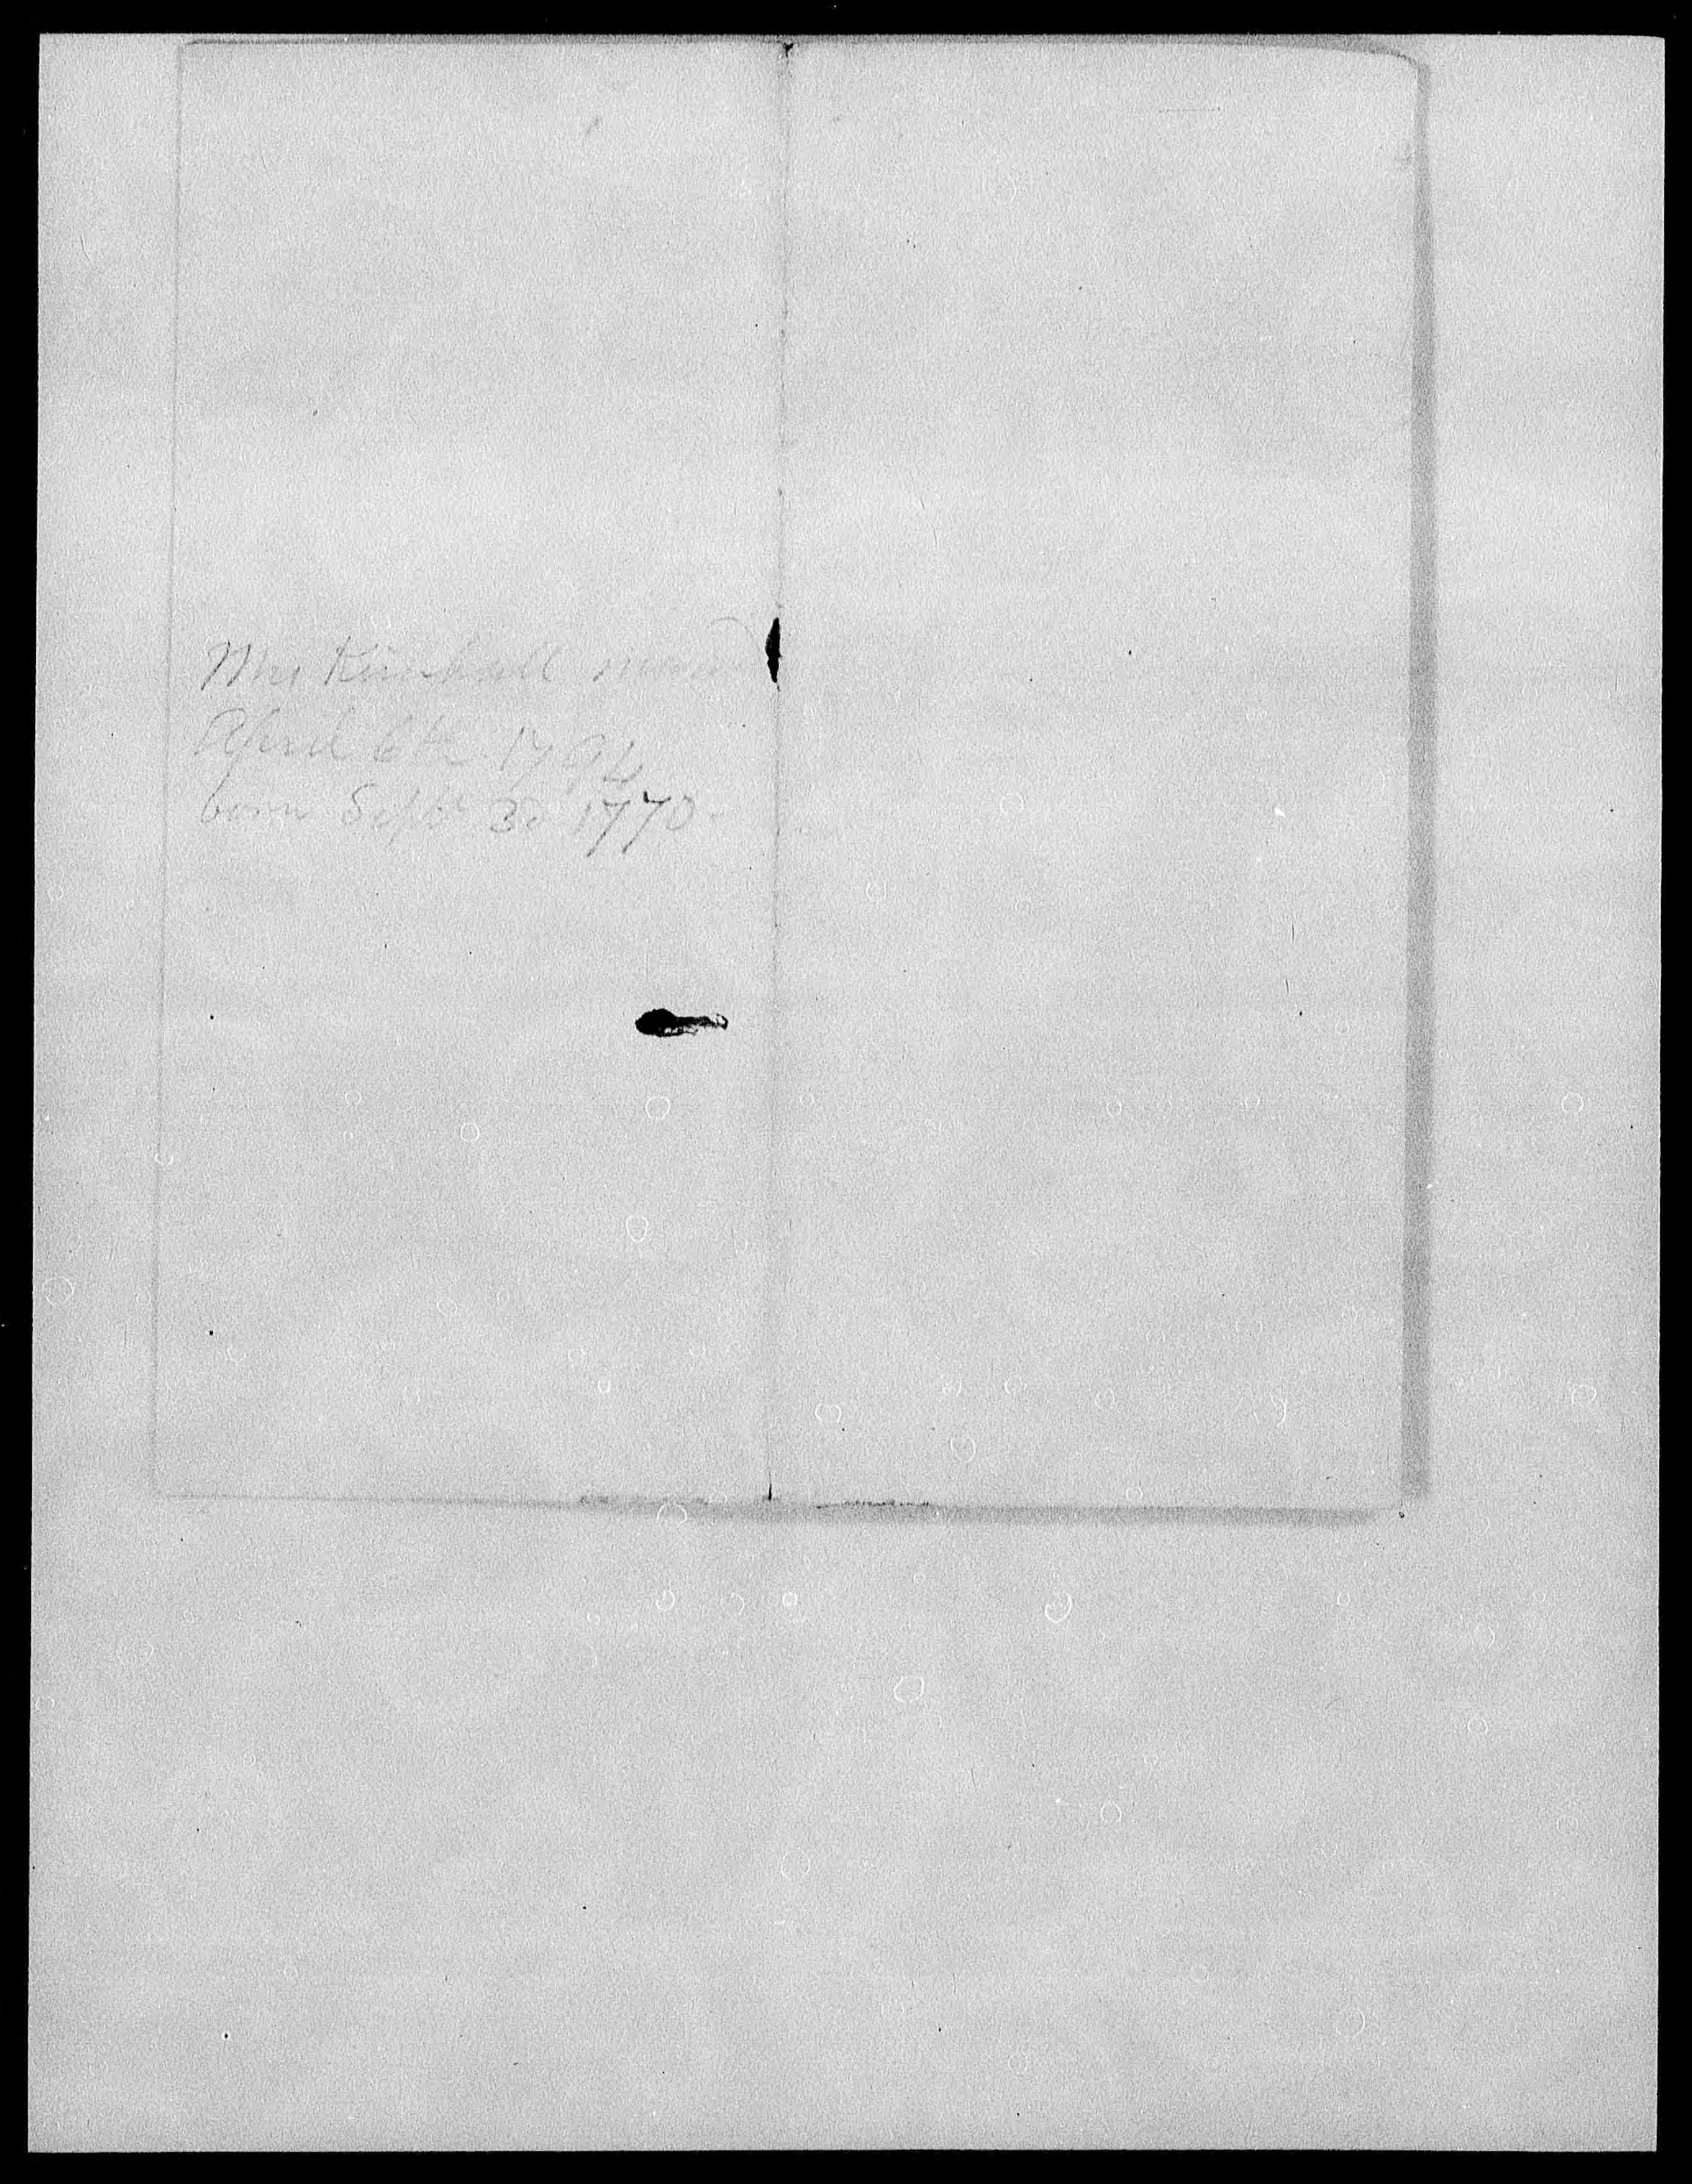Mrs Kimball [illegible]
April 6th 1794
born Sept 30 1770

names: [BLANK] Kimball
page: 8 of 29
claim: widow's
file: W. 1779, for Richard Kimball, Massachusetts